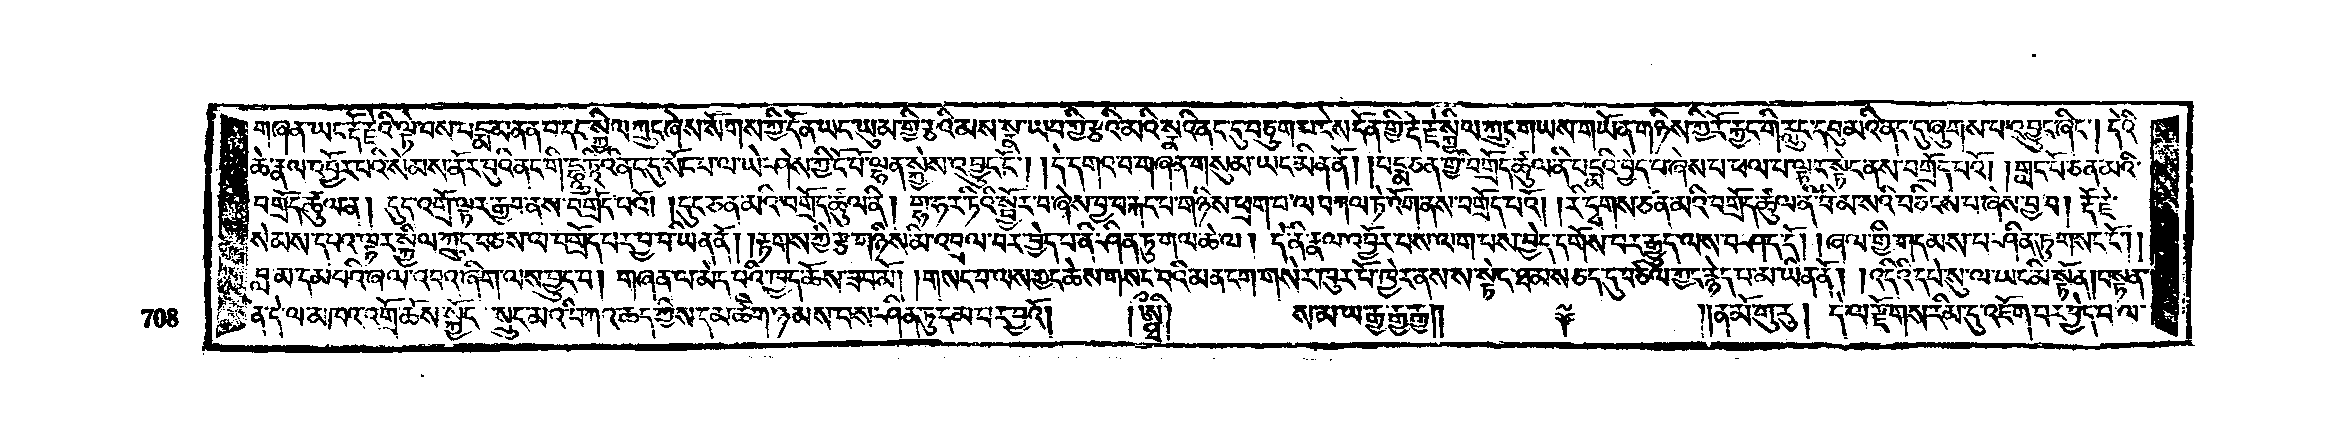གཞན་ཡང་རྡོ་རྗེའི་ལྟེ་བས་པདམ་མནན་པ་དང་སྐྱིལ་ཀྲུང་ཞེས་སོགས་ཀྱི་དོན་ཡང་ཡུམ་གྱི་རྩའི་མས་སྣ་ཡབ་ཀྱི་རྩའི་མའི་སྣའི་ནང་དུ་བཅུག་པ་ངེས་དོན་གྱི་རྡོ་རྗེ་སྐྱིལ་ཀྲུང་གཡས་གཡོན་གཉིས་ཀྱི་རོ་རྐྱང་གི་རླུང་དབུ་མའི་ནང་དུ་ཞུགས་པ་འབྱུང་ཞིང་། དེའི་
ཆེ་རྣལ་འབྱོར་པའི་སེམས་ནོར་བུའི་ནང་གི་དྷཱུ་ཏཱིའི་ནང་དུ་སོང་པ་ལ་ཡེ་ཤེས་ཀྱི་ངོ་བོ་ལྷན་སྐྱེས་འབྱུང་ངོ། །དེ་དགའ་བ་གཞན་གསུམ་ཡང་མིན་ནོ། །པདམ་ཅན་གྱི་བགྲོད་ཚུལ་ནི་པདམའི་བྱེད་པ་ཞེས་པ་ཕལ་པ་ལྟར་སྟེང་ནས་བགྲོད་པའོ། །གླང་པོ་ཅན་མའི་
བགྲོད་ཚུལ་ནི། དུད་འགྲོ་ལྟར་རྒྱབ་ནས་བགྲོད་པའོ། །དུང་ཅན་མའི་བགྲོད་ཚུལ་ནི། གྷ་ཧ་ར་ཏིའི་སྦྱོར་བ་ཞེས་བྱ་བ་རྐང་པ་གཉིས་ཕྲག་པ་ལ་བཀལ་ཏེ་འོག་ནས་བགྲོད་པའོ། །རི་དྭགས་ཅན་མའི་བགྲོད་ཚུལ་ནི་བི་མ་སའི་བཅིངས་པ་ཞེས་བྱ་བ། རྡོ་རྗེ་
སེམས་དཔའ་ལྟར་སྐྱིལ་ཀྲུང་བཅས་ལ་བགྲོད་པར་བྱ་བ་ཡིན་ནོ། །རྟགས་ཀྱི་རྩ་གཉིས་མི་འབྲལ་བར་བྱེད་པ་ནི་ཤིན་ཏུ་གལ་ཆེ་ལ། དེ་ནི་རྣལ་འབྱོར་པས་ལག་པས་བྱེད་དགོས་པར་རྒྱུད་ལས་བཤད་དོ། །ཞལ་གྱི་གདམས་པ་ཤིན་ཏུ་གསང་ངོ། །
བླ་མ་དམ་པའི་ཞལ་འབའ་ཞིག་ལས་བྱུང་བ། གཞན་ལ་མེད་པའི་ཁྱད་ཆོས་ཟབ་མོ། །གསང་བ་ལས་ཀྱང་ཆེས་གསང་བའི་མན་ངག་གསེར་ཁུར་པོ་ཁྱེར་ནས་ས་སྟེང་ཐམས་ཅད་དུ་བཙལ་ཀྱང་རྙེད་པ་མ་ཡིན་ནོ། །འདིའི་དཔེ་སུ་ལ་ཡང་མི་སྟོན། བསྟན་
ན་དེ་ལ་མཁའ་འགྲོ་ཆོས་སྐྱོང་སྲུང་མའི་བཀའ་ཆད་ཀྱིས་དམ་ཚིག་ཉམས་པས་ཤིན་ཏུ་དམ་པར་བྱའོ། །ཨྀཐི། ས་མ་ཡ་རྒྱ་རྒྱ་རྒྱ།། ༈ །།ན་མོ་གུ་རུ། དེ་ལ་རྫོགས་རིམ་དུ་འཇོག་པར་བྱེད་པ་ལ་